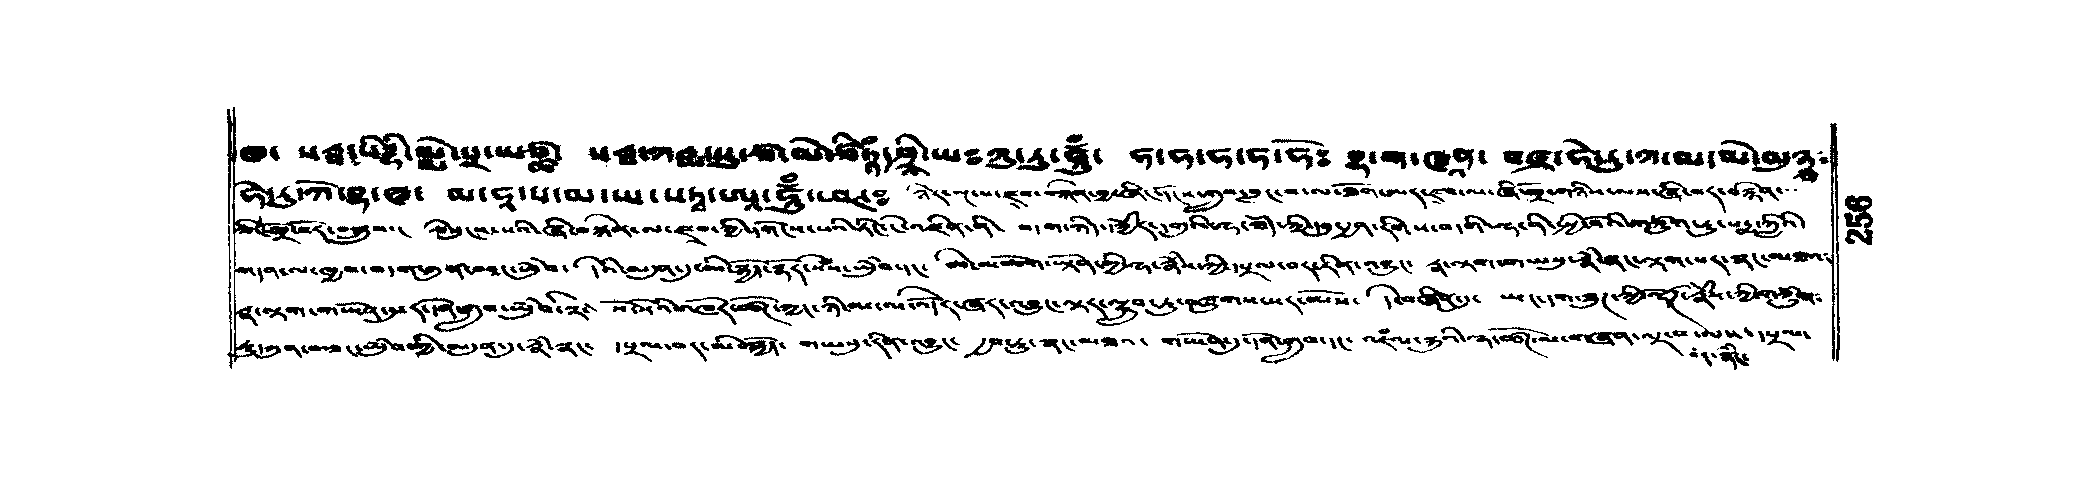ཝ། སརྦ་སིདྡྷི་མྨེ་པྲ་ཡཙྪ། སརྦ་ཀརྨ་སུ་ཙ་མེ་ཙིཏྟཾ་ཤྲཱི་ཡཿཀུ་རུ་ཧཱུྃ། ཧ་ཧ་ཧ་ཧ་ཧོཿ བྷ་ག་ཝཱན། བཛྲ་ཧེ་རུ་ཀ་མ་མེ་མུཉྩ་
ཧེ་རུ་ཀོ་བྷ་ཝ། མ་ཧཱ་ས་མ་ཡ་སཏྭ་ཨཱ་ཧཱུྃ་ཕཊཿ ཉེར་ལྔ་པ་འཛབ་བསྙེན་བྱ་ཞིང་དངོས་གྲུབ་བླང་བ་ལ་ཐོག་མར་འཛབ་ལ་ཞི་ཁྲོ་གཉིས་ལས་ཞི་བར་བསྙེན་
ཅིང་ཁྲོ་བོར་བསྒྲུབ། ཅེས་གསུངས་པའི་ཞི་བསྙེན་ལ་འཛབ་ཀྱི་དགོངས་པའི་ཏིང་ངེ་འཛིན་ནི། བདག་ཉིད་དཀྱིལ་འཁོར་དགུའི་ལྷ་ཐམས་ཅད་ཀྱི་དབུ་རྒྱན་རིགས་བདག་གི་ལྷ་ནི་སྤྱི་བོའི་གཙུག་ཏུ་པདྨ་ཉི་ཟླའི་
གདན་ལ་ཁྱབ་བདག་ཀུན་བཟང་ཡབ་ཡུམ།དེའི་མདུན་དུ་མི་སྐྱོད་རྡོར་སེམས་ཡབ་ཡུམ་དང་། ཆེ་མཆོག་ཡོན་ཏན་གྱི་ལྷ་རྣམས་ཀྱི་དཔྲལ་བར་རིན་འབྱུང་། རྣ་ལྟག་གཡས་སུ་རྣམ་སྣང་ལྟག་པར་སྣང་མཐའ། 
རྣ་ལྟག་གཡོན་དུ་དོན་གྲུན་ཡབ་ཡུམ་སྟེ། སོ་སོའི་འཁོར་ཚོགས་ཀྱང་ཉི་མ་ལ་འོད་ཟེར་ཞར་འབྱུང་ལྟར་ལྷུན་གྲུབ་ཏུ་བཞུགས་པར་མོས། དེ་བཞིན་དུ། ཡང་དག་ཐུགས་ཀྱི་ལྷ་ཚོགས་རྣམས་ཀྱི་གཙུག་
ཏུ་ཀུན་བཟང་ཡབ་ཡུམ་གྱི་མདུན་དུ་རྣམ་སྣང་། དཔྲལ་བར་མི་བསྐྱོད། གཡས་སུ་རིན་འབྱུང་། རྒྱབ་ཏུ་སྣང་མཐའ། གཡོན་དུ་དོན་གྲུབ། འཇམ་དཔལ་སྐུའི་ལྷ་ཚོགས་ལ་གཞན་འདྲ་བ་ལས་དཔྲལ་